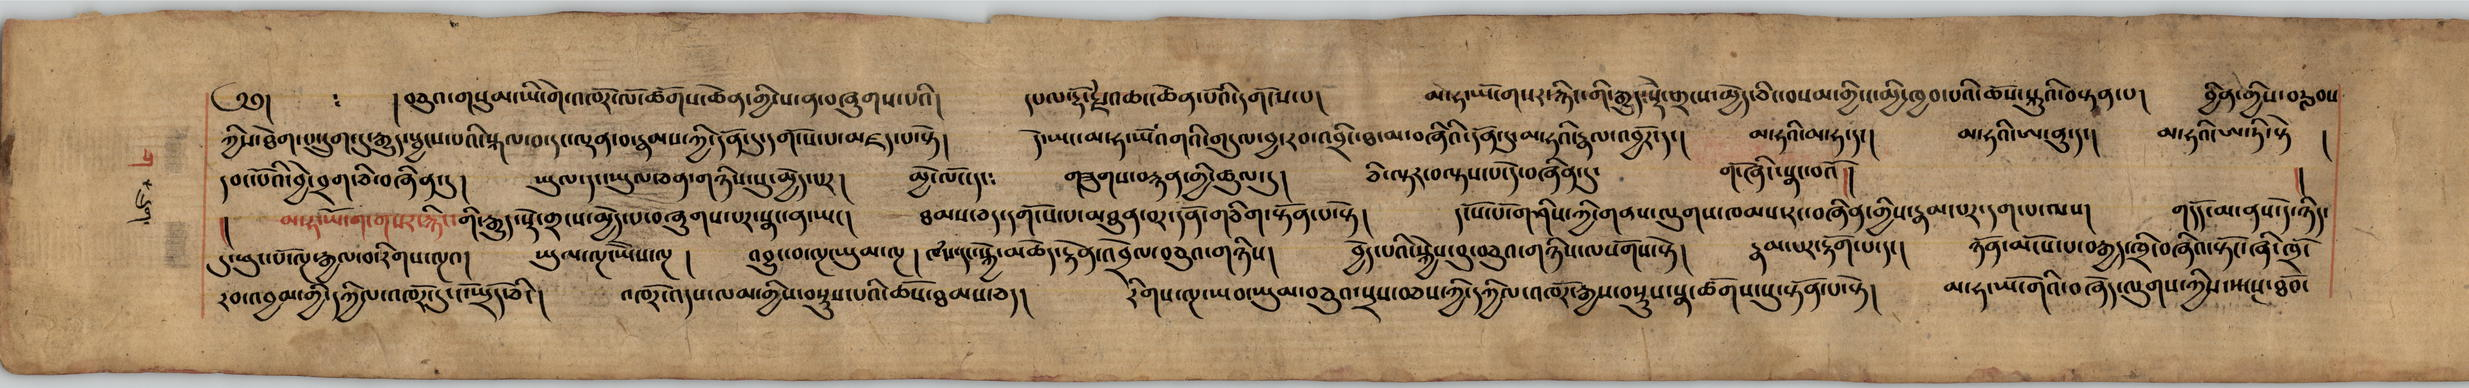༄༅། །བཅུ་གསུམ་ཡི་གེ་འཁོར་ལོ་ཚོགས་ཆེན་གྱི་ས་ན་བཞུགས་པའི། དཔལ་རྡོ་རྗེ་འཆང་ཆེན་པོའི་དགོངས་པ། མ་ཧ་ཡོ་གསར་རྙིང་གི་རྒྱུད་སྡེ་གྲངས་མྱེད་ཅིང་བསམ་གྱིས་མྱི་ཁྱབ་པའི་ཆོས་སྐུའི་བསྟན་པ། བྱིན་གྱིས་བརླབས
ཀྱིས་ཐེག་པ་དྲུག་དུ་རྒྱུད་སྦྱངས་པའི་སྐལ་བ་དང་ལྡན་བ་རྣམས་ཀྱི་དོན་དུ་དགོངས་པ་མཛད་པ་སྟེ། དེ་ཡང་མ་ཧ་ཡོའགའི་གདུལ་བྱ་རབ་འབྲིང་ཐ་མ་བཞིའི་དོན་དུ་མ་ཧའི་རྣལ་འབྱོར་དང། མ་ཧའི་མ་ཧ་དང། མ་ཧའི་ཨ་ནུ་དང། མ་ཧའི་ཨ་ཏི་སྟེ
དབང་པོའི་བྱེ་བྲག་ཅི་བཞིན་དུ། ཡུལ་དང་ཡུལ་ཅན་གཉིས་སུ་མྱེད་པར། མྱེ་ལོང་དང༴ གཟུགས་བརྙན་གྱི་ཚུལ་དུ། ཅི་ལྟར་བལྟས་པ་དེ་བཞིན་དུ་ གོ་ཞིང་སྣང་བའོ།།
མ་ཧ་ཡོ་ག་གསར་རྙིང་གི་རྒྱུད་སྡེ་གྲངས་མྱེད་པ་བཞུགས་པར་སྣང་ན་ཡང། ཐམས་ཅད་དགོངས་པ་མཐུན་བར་དོན་གཅིག་སྟོན་པ་སྟེ། དངོས་པོ་གཤིས་ཀྱི་གནས་ལུགས་ཁམས་རང་བཞིན་གྱིས་རྣམ་པར་དག་པ་ལས། གདོད་མ་ནས་དེ་ཉིད་
དུ་ཕུང་པོ་ལྔ་རྒྱལ་བ་རིགས་ལྔའ། ཡུལ་ལྔ་ཡཻས་ལྔ ། འབྱུང་བ་ལྔ་ཡུམ་ལྔ། ཁཾས་དང་སྐྱེ་མཆེད་རྟེན་འབྲེལ་བཅུའ་གཉིས། བྱེད་པའི་སྐྱེས་བུ་བཅུའ་གཉིས་ལསོགས་སྟེ། རྣམ་པར་རྟོག་པ་དང། ཉོན་མོངས་པ་བརྒྱད་ཁྲི་བཞིའ་སྟོང་ཞི་ཁྲོ་
རབ་འབྱམ་གྱི་དཀྱིལ་འཁོར་དུ་ངོ་སྤྲོད་ཅིང། འཁོར་འདས་ལམ་གྱིས་བསྡུས་པའི་ཆོས་ཐམས་ཅད། རིགས་ལྔ་ཡབ་ཡུམ་བཅུའ་སྲས་བཅས་ཀྱི་དཀྱིལ་འཁོར་རྒྱས་བསྡུས་སྣ་ཚོགས་སུ་སྟོན་པ་སྟེ། མ་ཧ་ཡོ་གའི་བཞེད་ལུགས་ཀྱིས་སྤངས་ཐོབ་